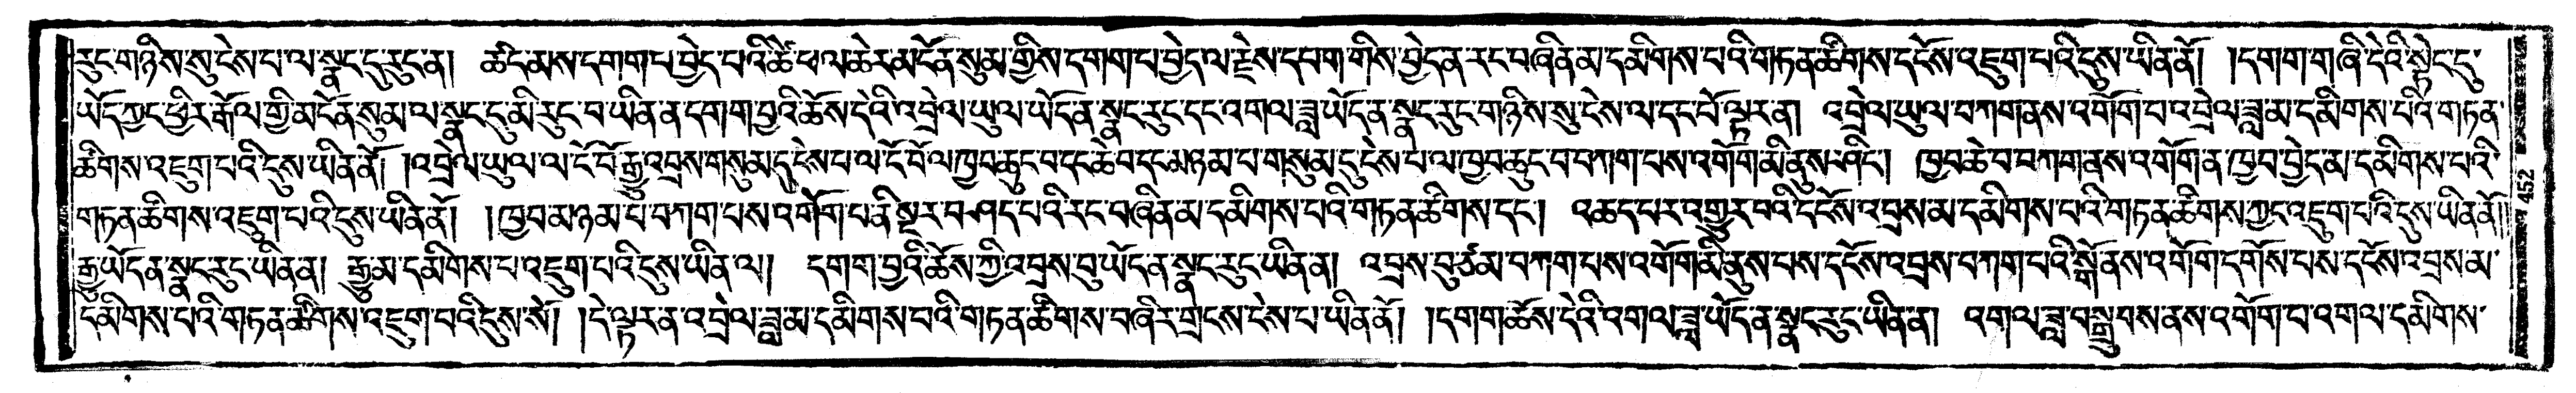རུང་གཉིས་སུ་ངེས་པ་ལ་སྣང་དུ་རུང་ན། ཚད་མས་དགག་པ་བྱེད་པའི་ཚེ་ཕལ་ཆེར་མངོན་སུམ་གྱིས་དགག་པ་བྱེད་ལ་རྗེས་དཔག་གིས་བྱེད་ན་རང་བཞིན་མ་དམིགས་པའི་གཏན་ཚིགས་དངོས་འཇུག་པའི་དུས་ཡིན་ནོ། །དགག་གཞི་དེའི་སྟེང་དུ་
ཡོད་ཀྱང་ཕྱིར་རྒོལ་གྱི་མངོན་སུམ་ལ་སྣང་དུ་མི་རུང་བ་ཡིན་ན་དགག་བྱའི་ཆོས་དེའི་འབྲེལ་ཡུལ་ཡོད་ན་སྣང་རུང་དང་འགལ་ཟླ་ཡོད་ན་སྣང་རུང་གཉིས་སུ་ངེས་ལ་དང་པོ་ལྟར་ན། འབྲེལ་ཡུལ་བཀག་ནས་འགོག་པ་འབྲེལ་ཟླ་མ་དམིགས་པའི་གཏན་
ཚིགས་འཇུག་པའི་དུས་ཡིན་ནོ། །འབྲེལ་ཡུལ་ལ་ངོ་བོ་རྒྱུ་འབྲས་གསུམ་དུ་ངེས་པ་ལ་ངོ་བོ་ལ་ཁྱབ་ཆུང་བ་དང་ཆེ་བ་དང་མཉམ་པ་གསུམ་དུ་ངེས་པ་ལ་ཁྱབ་ཆུང་བ་བཀག་པས་འགོག་མི་ནུས་ཤིང་། ཁྱབ་ཆེ་བ་བཀག་ནས་འགོག་ན་ཁྱབ་བྱེད་མ་དམིགས་པའི་
གཏན་ཚིགས་འཇུག་པའི་དུས་ཡིན་ནོ། །ཁྱབ་མཉམ་པ་བཀག་པས་འགོག་པ་ནི་སྔར་བཤད་པའི་རང་བཞིན་མ་དམིགས་པའི་གཏན་ཚིགས་དང་། འཆད་པར་འགྱུར་བའི་དངོས་འབྲས་མ་དམིགས་པའི་གཏན་ཚིགས་ཀྱང་འཇུག་པའི་དུས་ཡིན་ནོ།།
རྒྱུ་ཡོད་ན་སྣང་རུང་ཡིན་ན། རྒྱུ་མ་དམིགས་པ་འཇུག་པའི་དུས་ཡིན་ལ། དགག་བྱའི་ཆོས་ཀྱི་འབྲས་བུ་ཡོད་ན་སྣང་རུང་ཡིན་ན། འབྲས་བུ་ཙམ་བཀག་པས་འགོག་མི་ནུས་པས་དངོས་འབྲས་བཀག་པའི་སྒོ་ནས་འགོག་དགོས་པས་དངོས་འབྲས་མ་
དམིགས་པའི་གཏན་ཚིགས་འཇུག་པའི་དུས་སོ། །དེ་ལྟར་ན་འབྲེལ་ཟླ་མ་དམིགས་པའི་གཏན་ཚིགས་བཞིར་གྲངས་ངེས་པ་ཡིན་ནོ། །དགག་ཆོས་དེའི་འགལ་ཟླ་ཡོད་ན་སྣང་རུང་ཡིན་ན། འགལ་ཟླ་བསྒྲུབས་ནས་འགོག་པ་འགལ་དམིགས་